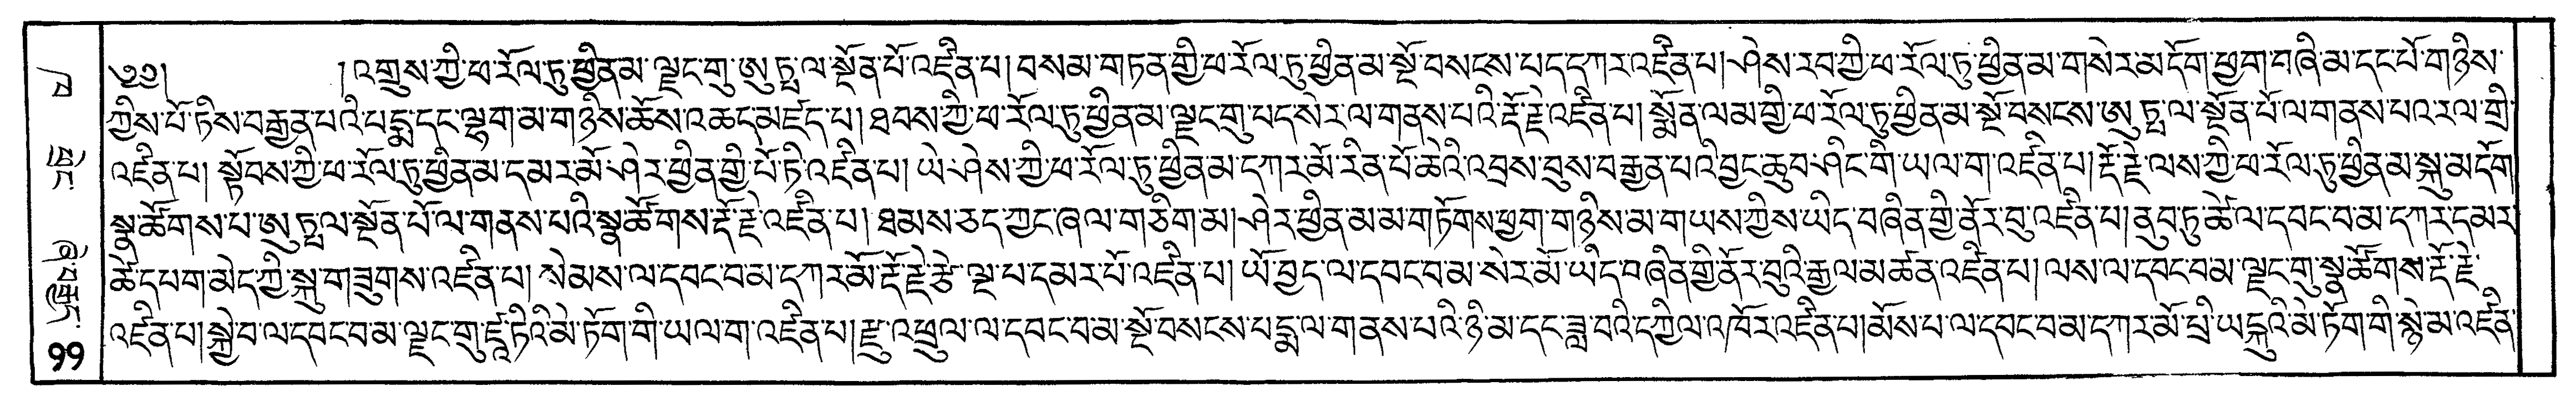༄༅། །འགྲུས་ཀྱི་ཕ་རོལ་ཏུ་ཕྱིན་མ་ལྗང་གུ་ཨུཏྤལ་སྔོན་པོ་འཛིན་པ། བསམ་གཏན་གྱི་ཕ་རོལ་ཏུ་ཕྱིན་མ་སྔོ་བསངས་པད་དཀར་འཛིན་པ། ཤེས་རབ་ཀྱི་ཕ་རོལ་ཏུ་ཕྱིན་མ་གསེར་མདོག་ཕྱག་བཞི་མ་དང་པོ་གཉིས་
ཀྱིས་པོ་ཏིས་བརྒྱན་པའི་པདམ་དང་ལྷག་མ་གཉིས་ཆོས་འཆད་མཛད་པ། ཐབས་ཀྱི་ཕ་རོལ་ཏུ་ཕྱིན་མ་ལྗང་གུ་པད་སེར་ལ་གནས་པའི་རྡོ་རྗེ་འཛིན་པ། སྨོན་ལམ་གྱི་ཕ་རོལ་ཏུ་ཕྱིན་མ་སྔོ་བསངས་ཨུཏྤལ་སྔོན་པོ་ལ་གནས་པའི་རལ་གྲི་
འཛིན་པ། སྟོབས་ཀྱི་ཕ་རོལ་ཏུ་ཕྱིན་མ་དམར་མོ་ཤེར་ཕྱིན་གྱི་པོ་ཏི་འཛིན་པ། ཡེ་ཤེས་ཀྱི་ཕ་རོལ་ཏུ་ཕྱིན་མ་དཀར་མོ་རིན་པོ་ཆེའི་འབྲས་བུས་བརྒྱན་པའི་བྱང་ཆུབ་ཤིང་གི་ཡལ་ག་འཛིན་པ། རྡོ་རྗེ་ལས་ཀྱི་ཕ་རོལ་ཏུ་ཕྱིན་མ་སྐུ་མདོག་
སྣ་ཚོགས་པ་ཨུཏྤལ་སྔོན་པོ་ལ་གནས་པའི་སྣ་ཚོགས་རྡོ་རྗེ་འཛིན་པ། ཐམས་ཅད་ཀྱང་ཞལ་གཅིག་མ། ཤེར་ཕྱིན་མ་མ་གཏོགས་ཕྱག་གཉིས་མ་གཡས་ཀྱིས་ཡིད་བཞིན་གྱི་ནོར་བུ་འཛིན་པ། ནུབ་ཏུ་ཚེ་ལ་དབང་བ་མ་དཀར་དམར་
ཚེ་དཔག་མེད་ཀྱི་སྐུ་གཟུགས་འཛིན་པ། སེམས་ལ་དབང་བ་མ་དཀར་མོ་རྡོ་རྗེ་རྩེ་ལྔ་པ་དམར་པོ་འཛིན་པ། ཡོ་བྱད་ལ་དབང་བ་མ་སེར་མོ་ཡིད་བཞིན་གྱི་ནོར་བུའི་རྒྱལ་མཚན་འཛིན་པ། ལས་ལ་དབང་བ་མ་ལྗང་གུ་སྣ་ཚོགས་རྡོ་རྗེ་
འཛིན་པ། སྐྱེ་བ་ལ་དབང་བ་མ་ལྗང་གུ་ཛཱ་ཏིའི་མེ་ཏོག་གི་ཡལ་ག་འཛིན་པ། རྫུ་འཕྲུལ་ལ་དབང་བ་མ་སྔོ་བསངས་པདམ་ལ་གནས་པའི་ཉི་མ་དང་ཟླ་བའི་དཀྱིལ་འཁོར་འཛིན་པ། མོས་པ་ལ་དབང་བ་མ་དཀར་མོ་པྲི་ཡངྐུའི་མེ་ཏོག་གི་སྙེ་མ་འཛིན་